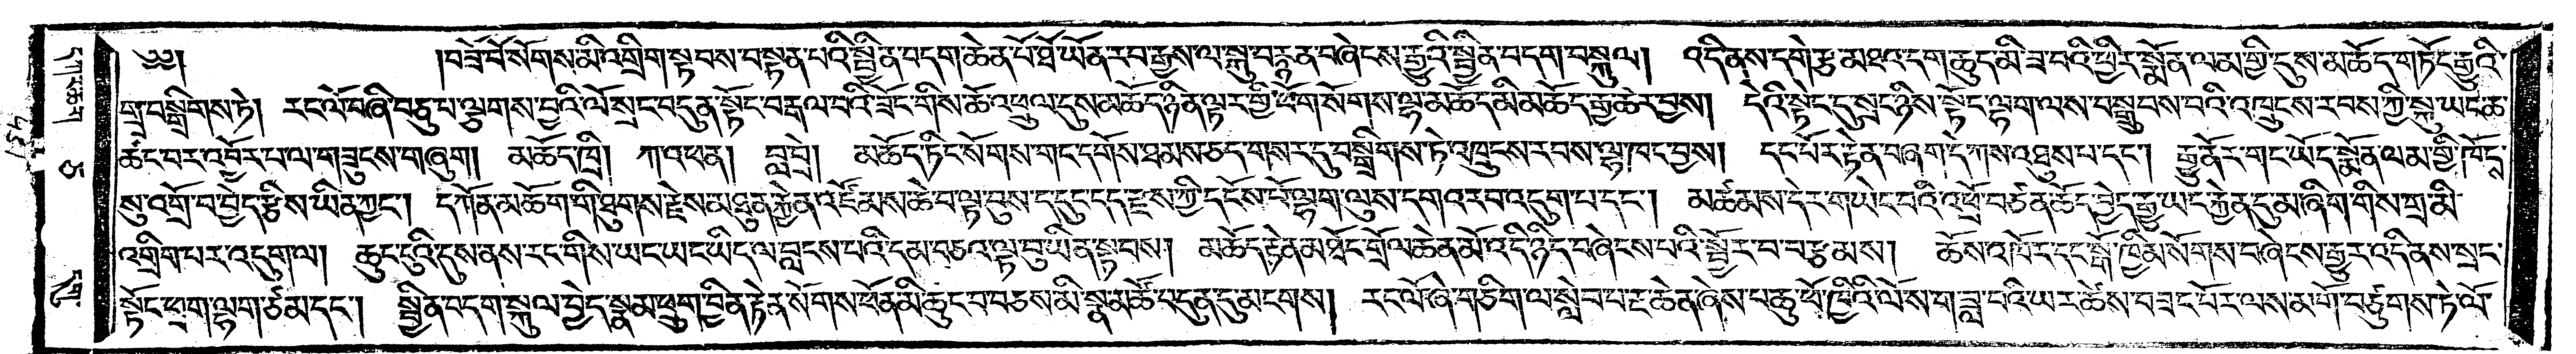༄༅། །བཟོ་བོ་སོགས་མི་འགྲིག་སྟབས་བསྟན་པའི་སྦྱིན་བདག་ཆེན་པོ་ཐོ་ཡོན་རབ་རྒྱས་ལ་སྐུ་བརྙན་བཞེངས་རྒྱུའི་སྦྱིན་བདག་བསྐུལ། འདི་ནས་དགེ་རྩ་མཐའ་དག་ཆུད་མི་ཟ་བའི་ཕྱིར་སྨོན་ལམ་གྱི་དུས་མཆོད་གཏོང་རྒྱུའི་
གྲྭ་བསྒྲིགས་ཏེ། རང་ལོ་བཞི་བཅུ་པ་ལྕགས་བྱའི་ལོ་སྲང་བདུན་སྟོང་བརྒལ་བའི་ཟོང་གིས་ཆོ་འཕྲུལ་དུས་མཆོད་ཉིན་ལྟར་གྱི་ཕོག་སོགས་ལྷ་མཆོད་མི་མཆོད་རྒྱ་ཆེར་བྱས། དེའི་སྟེང་དུ་སྲང་ཉིས་སྟོང་ལྷག་ལས་བསྒྲུབས་པའི་འཁྲུངས་རབས་ཀྱི་སྐུ་ཡང་ཆ་
ཚང་པར་འབྱོར་པ་ལ་གཟུངས་གཞུག། མཆོད་ཁྲི། ཀ་འཕན། བླ་བྲེ། མཆོད་ཏིང་སོགས་གང་དགོས་ཐམས་ཅད་གསར་དུ་བསྒྲིགས་ཏེ་འཁྲུངས་རབས་ལྷ་ཁང་བྱས། དང་པོར་རྟེན་བཞག་དེ་ཀས་འཐུས་པ་དང་། རྒྱུ་ནོར་གང་ཡོད་ལམ་གྱི་གོངས་
སུ་འགྲོ་བ་བྱེད་རྩིས་ཡིན་ཀྱང་། དཀོན་མཆོག་གི་ཐུགས་རྗེས་མཐུན་རྐྱེན་འཛོམས་ཆེ་བ་ལྟ་བུས་ད་དུང་དད་རྫས་ཀྱི་དངོས་པོ་ལྷག་ལུས་དགའ་རབ་འདུག་པ་དང་། མཚམས་དེར་གཡེང་བའི་འཕྲོ་བཙན་ཆོད་བྱེད་རྒྱུ་ཡང་རྐྱེན་དུ་མ་ཞིག་གིས་གྲ་མི་
འགྲིག་པར་འདུག་ལ། ཆུང་དུའི་དུས་ནས་རང་གིས་ཡང་ཡང་ཡིད་ལ་བླངས་པའི་དམ་བཅའ་ལྟ་བུ་ཡིན་སྟབས། མཆོད་རྟེན་མཐོང་གྲོལ་ཆེན་མོ་འདི་ཉིད་བཞེངས་པའི་སྦྱོར་བ་བརྩམས། ཆོས་འཁོར་དང་སྒོ་ཁྱིམ་སོགས་བཞེངས་རྒྱུར་འདི་ནས་སྲང་
སྟོང་ཕྲག་ལྷག་ཙམ་དང་། སྦྱིན་བདག་སྐུལ་བྱེད་སྣམ་ཕྲུག་བྱིན་རྟེན་སོགས་ཕོན་མི་ཆུང་བ་བཅས་མི་སྣ་མཚོ་བདུན་དུ་མངགས། རང་ལོ་ཞེ་གཅིག་ལ་སླེབ་པ་རྔ་ཆེན་ཞེས་པ་ཆུ་ཕོ་ཁྱིའི་ལོས་ག་ཟླ་བའི་ཡར་ཚེས་བཟང་པོར་ལས་མགོ་བཙུགས་ཏེ་ལོ་